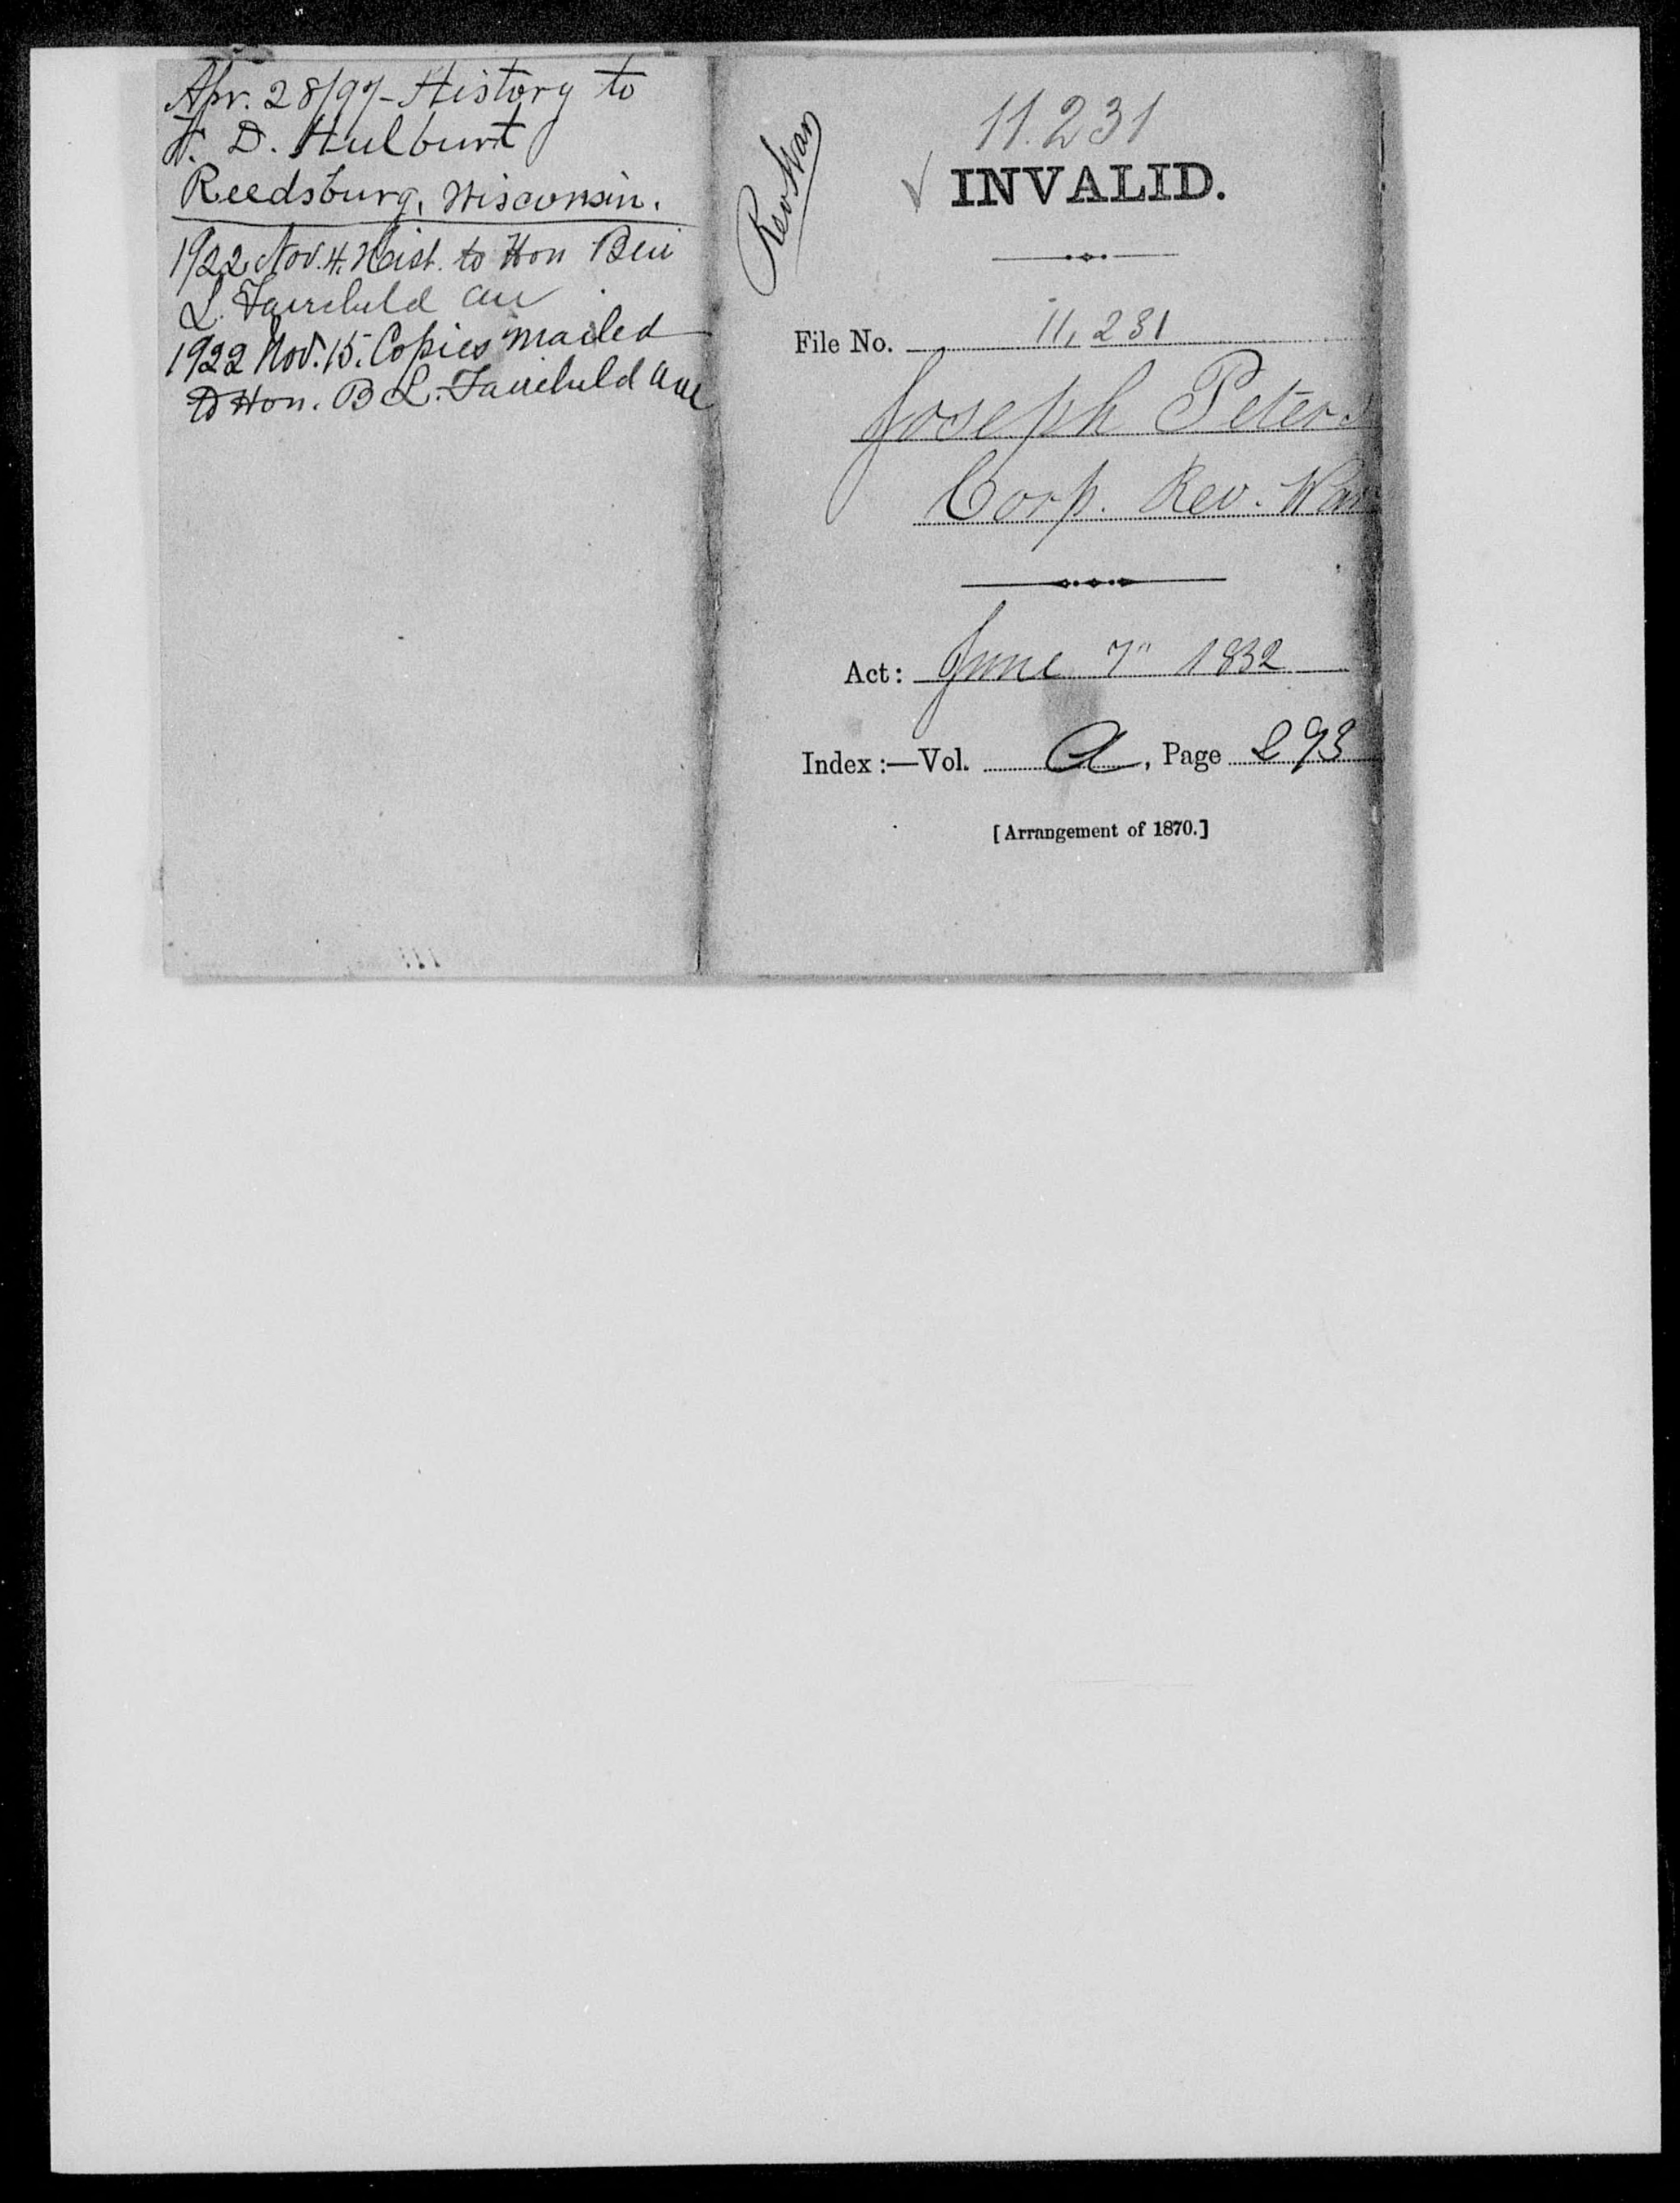Apr. 28 / 97 - History to F. D. Hulburt Reedsburg, Wisconsin  
1922 Nov. 4 Hist. to Hon Ben L. Fairchild AW 
1922 Nov. 15. Copies mailed to Hon. B. L. Fairchild AW 
Rev War 11.231 
INVALID. 
File No. 11231 
Joseph Peters 
Corp Rev. War   
Act: June 7 1832  
Index: -- Vol. A, Page 293 
[Arrangement of 1870.]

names: F D Hulburt; Joseph Peters; Ben L Fairchild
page: 30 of 73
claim: widow's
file: W. 2338, for Joseph P Peters, Connecticut